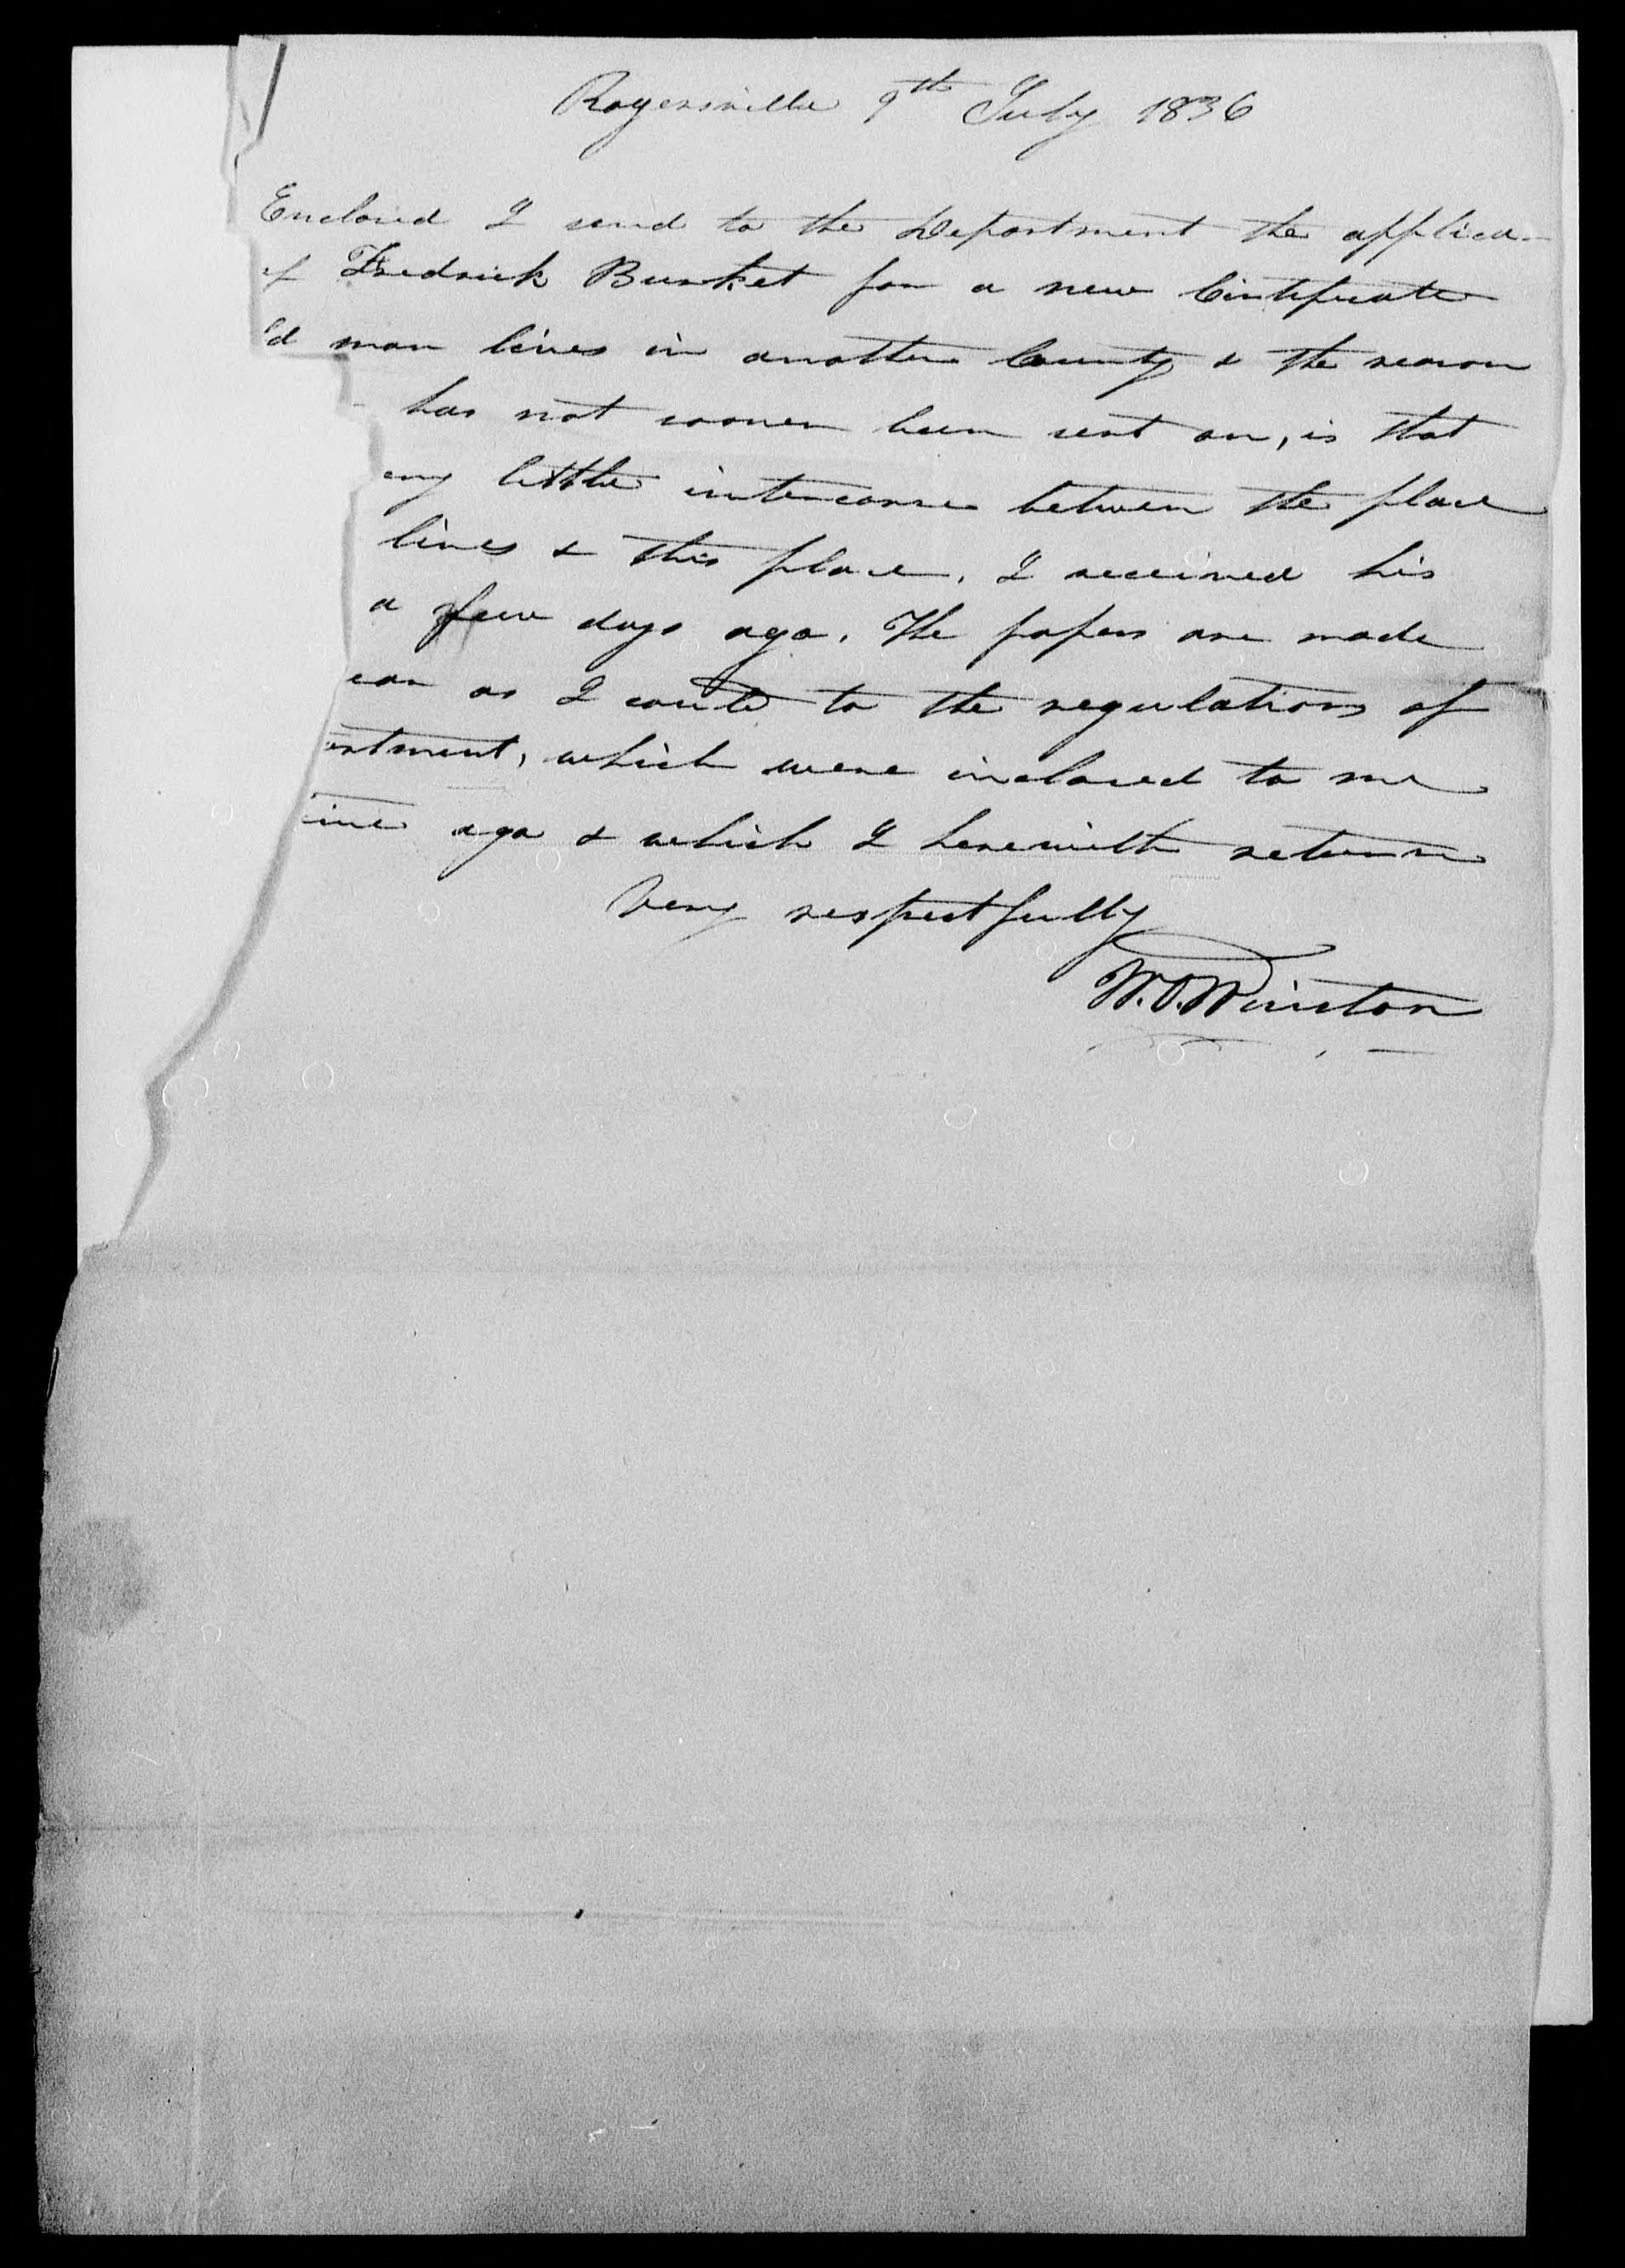Rogersville  9th July 1836
Enclosed I send to the Department of application of Fredrick Burket for a new Certificate (paper is torn and some facts are missing)  ld man lives in another County & the reason has not sooner been sent an, is that my little intercourse between the place lives & this place.  I received his a few days ago.  The papers are made (paper torn – missing words) ean as I could to the regulations of (torn page – words missing) antanent, which were enclosed to me (page torn- words missing) time age & which I herewith return.
Very respectfully
W. O. Winston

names: Fredrick Burket, W O Winston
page: 9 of 47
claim: survivor's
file: S. 3102, Frederick Burket, Va.